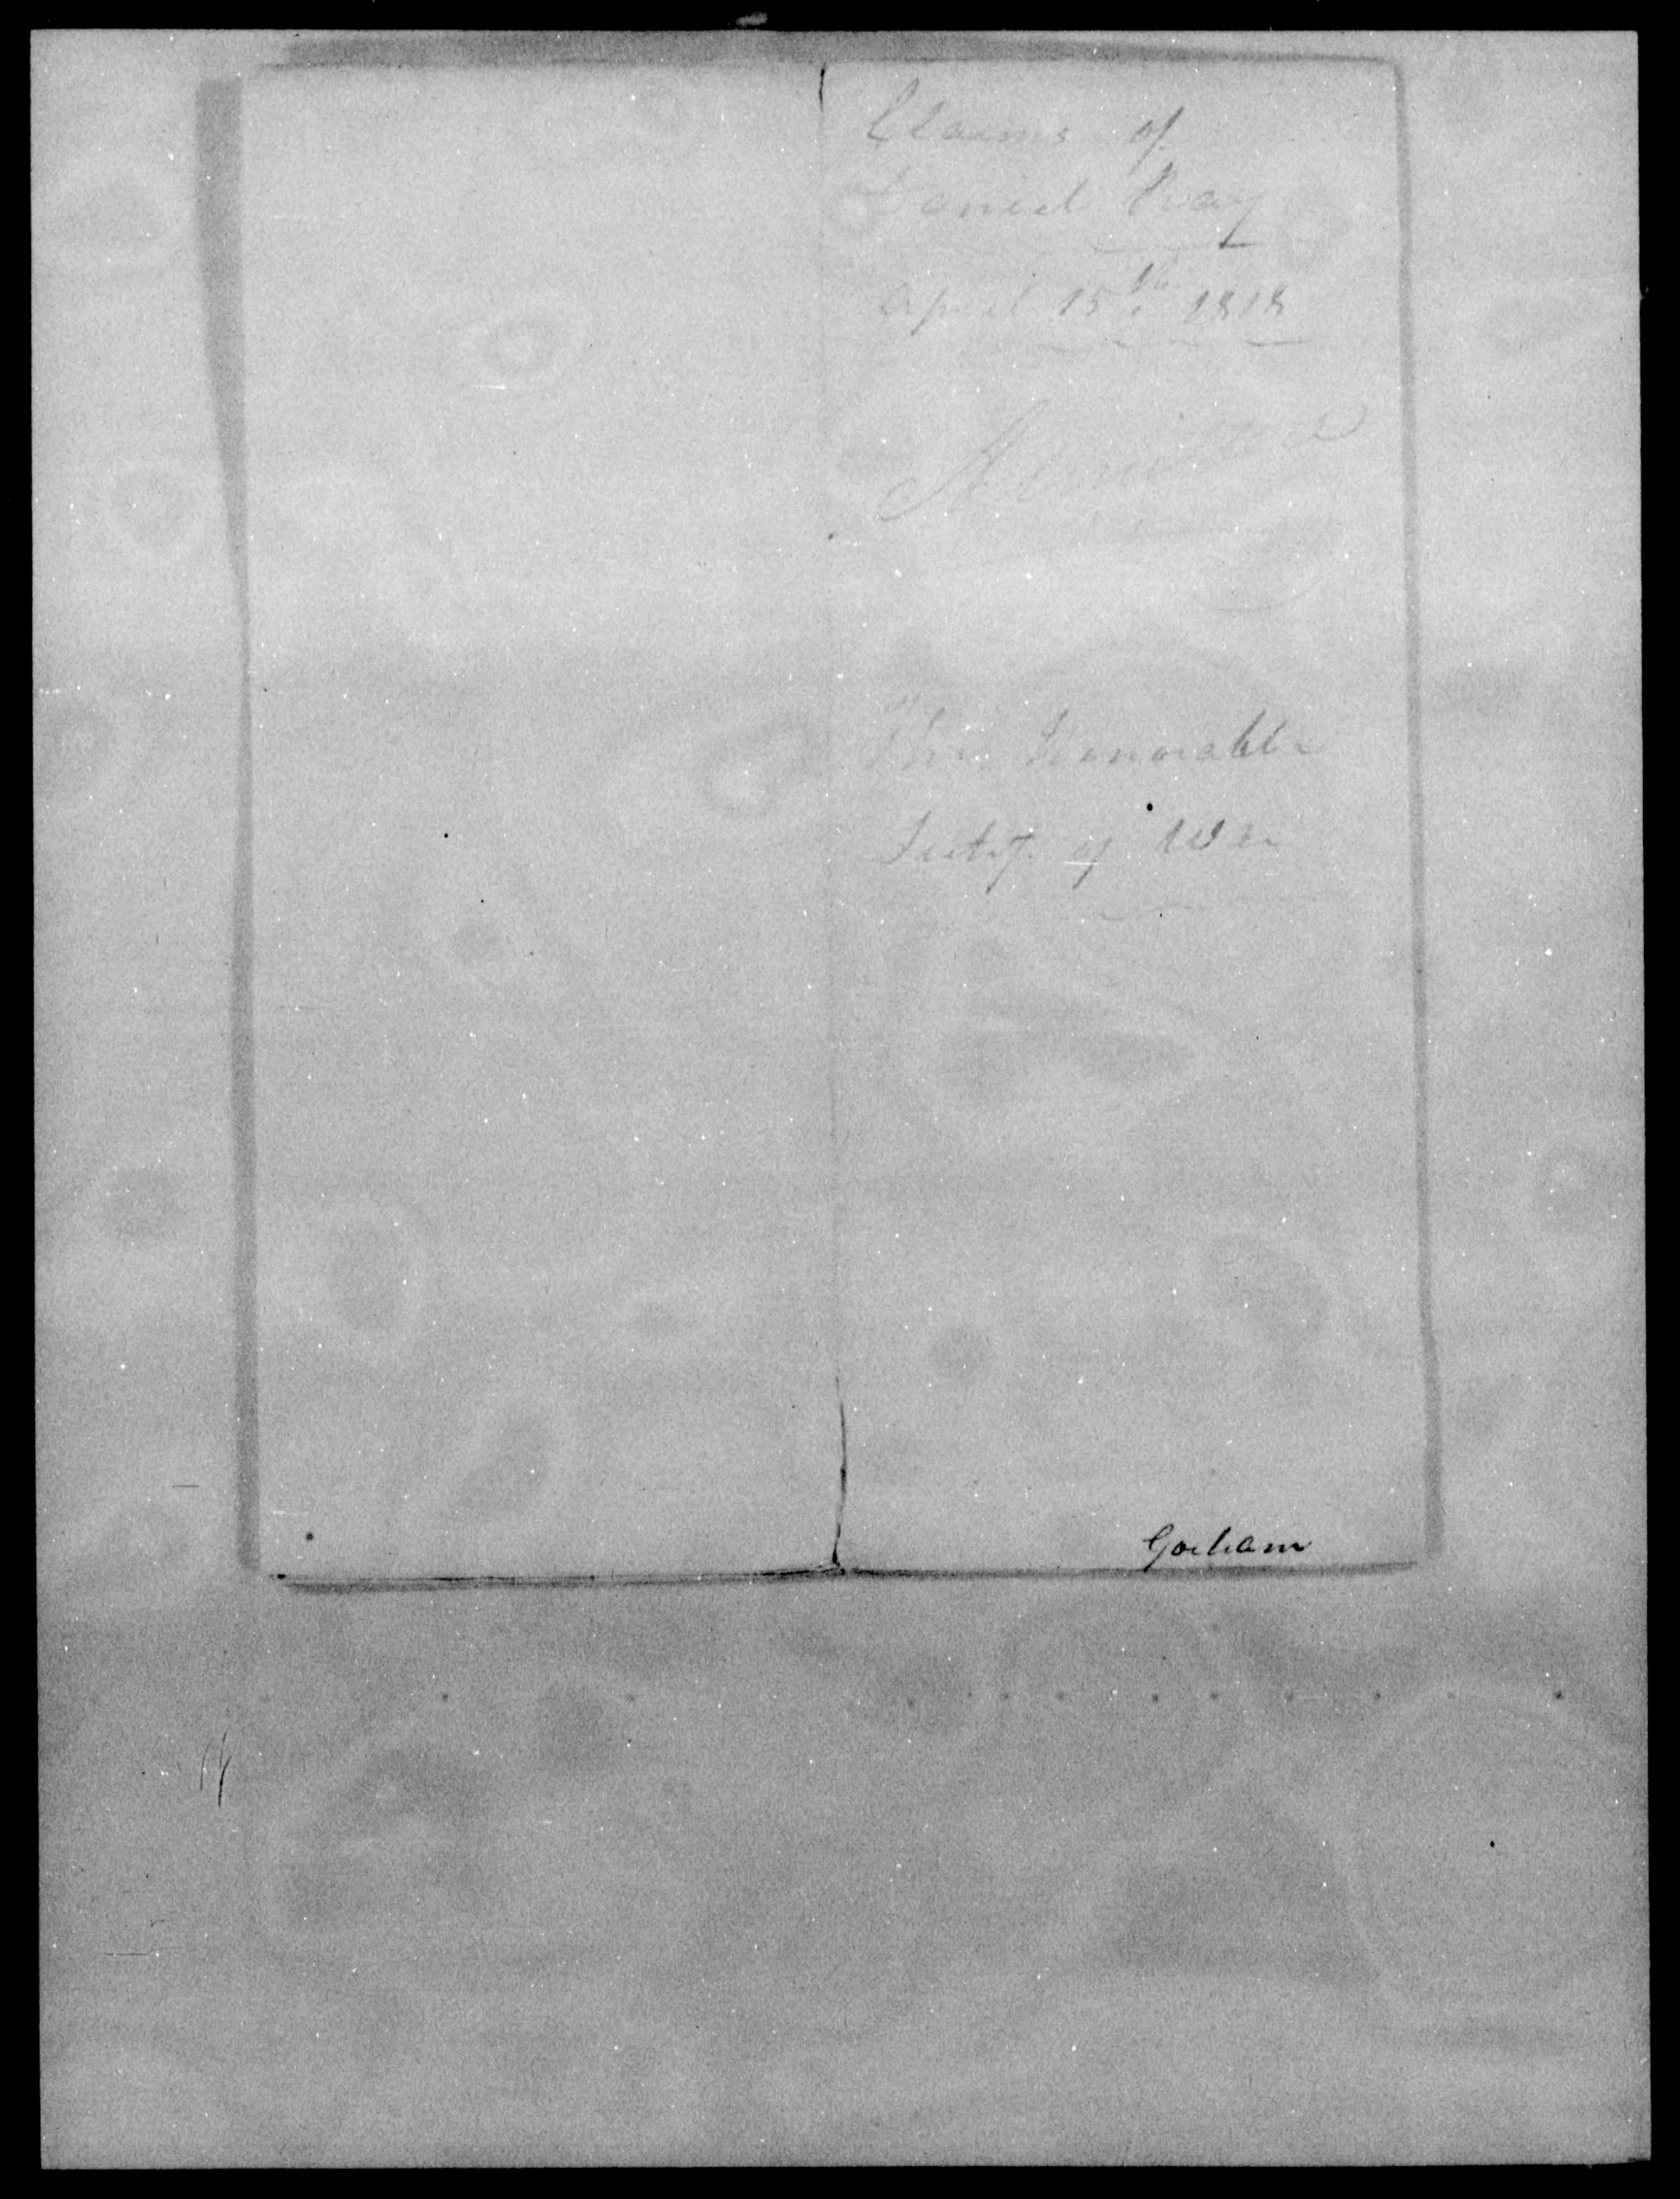Claims of
Daniel Ray
April 15th 1818
Admitted
The Honorable
Secty of War

Gorham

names: Daniel Ray; [BLANK] Gorham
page: 6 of 20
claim: survivor's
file: S. 43891, for Daniel Ray, Connecticut